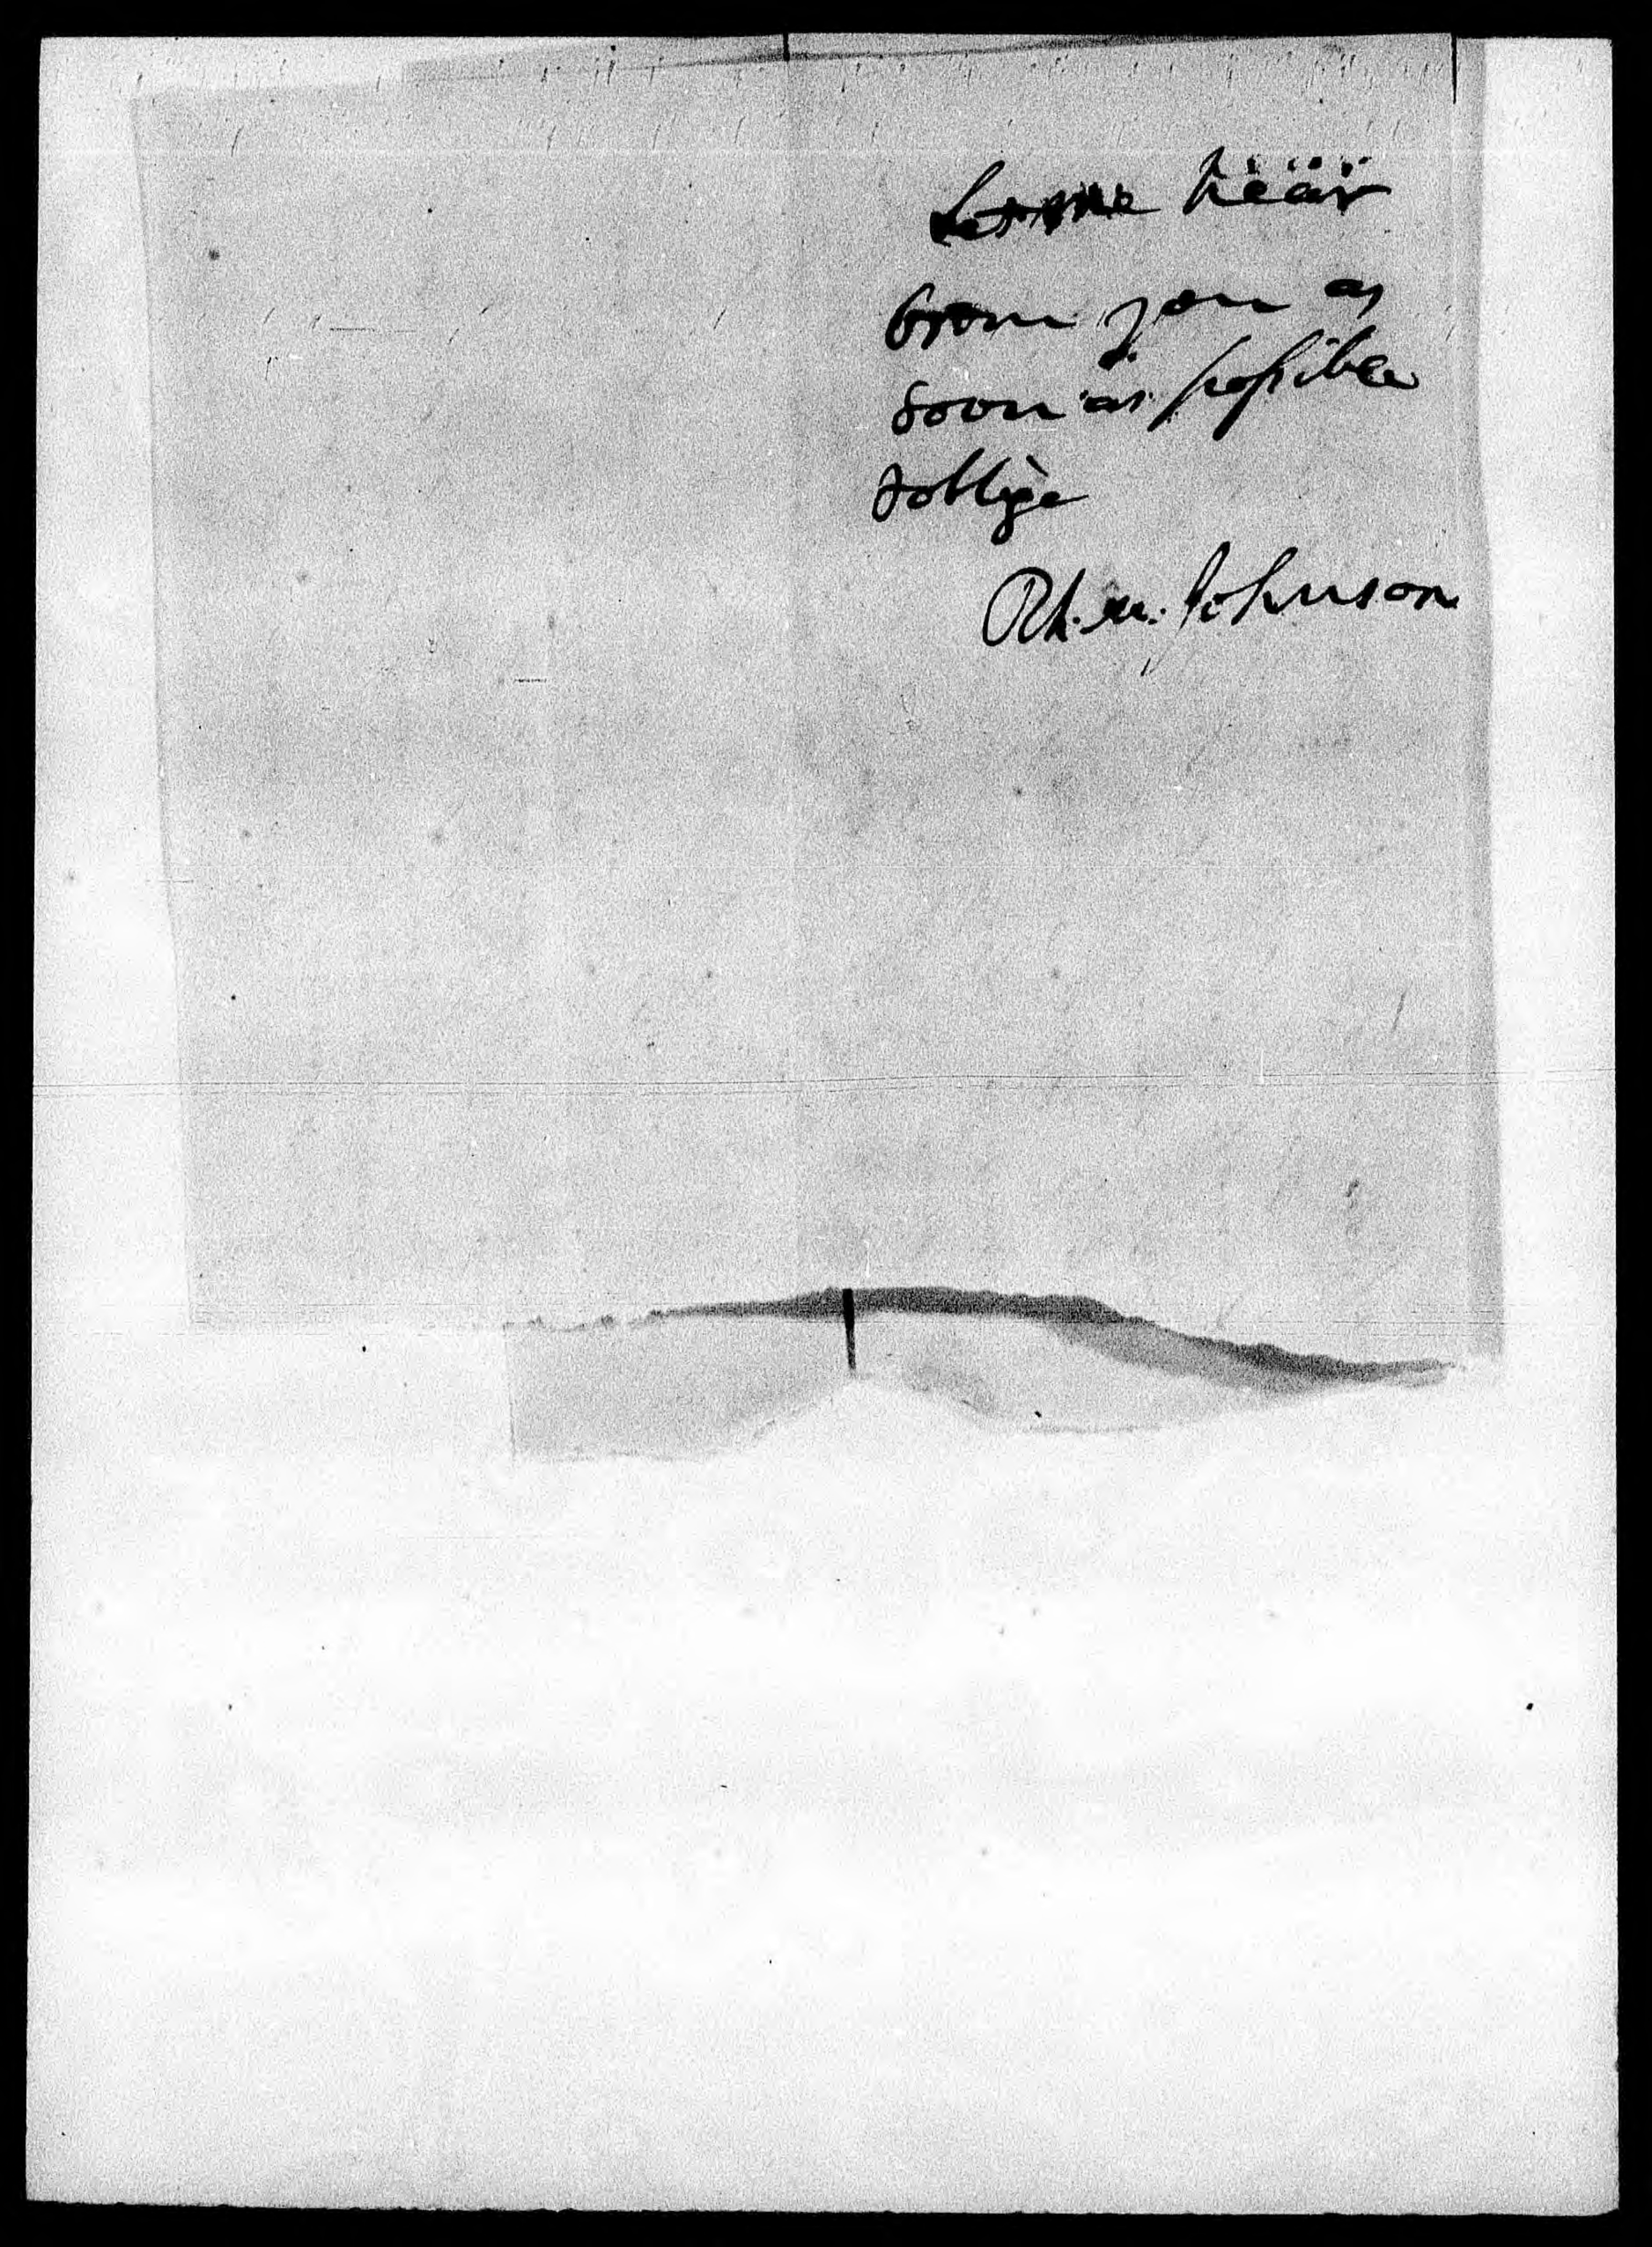Le me hear from you as soon as possible

Obliged...Rh M Johnson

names: Rh M Johnson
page: 13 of 19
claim: survivor's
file: S. 16836, Ignatus Greenwell, Md.